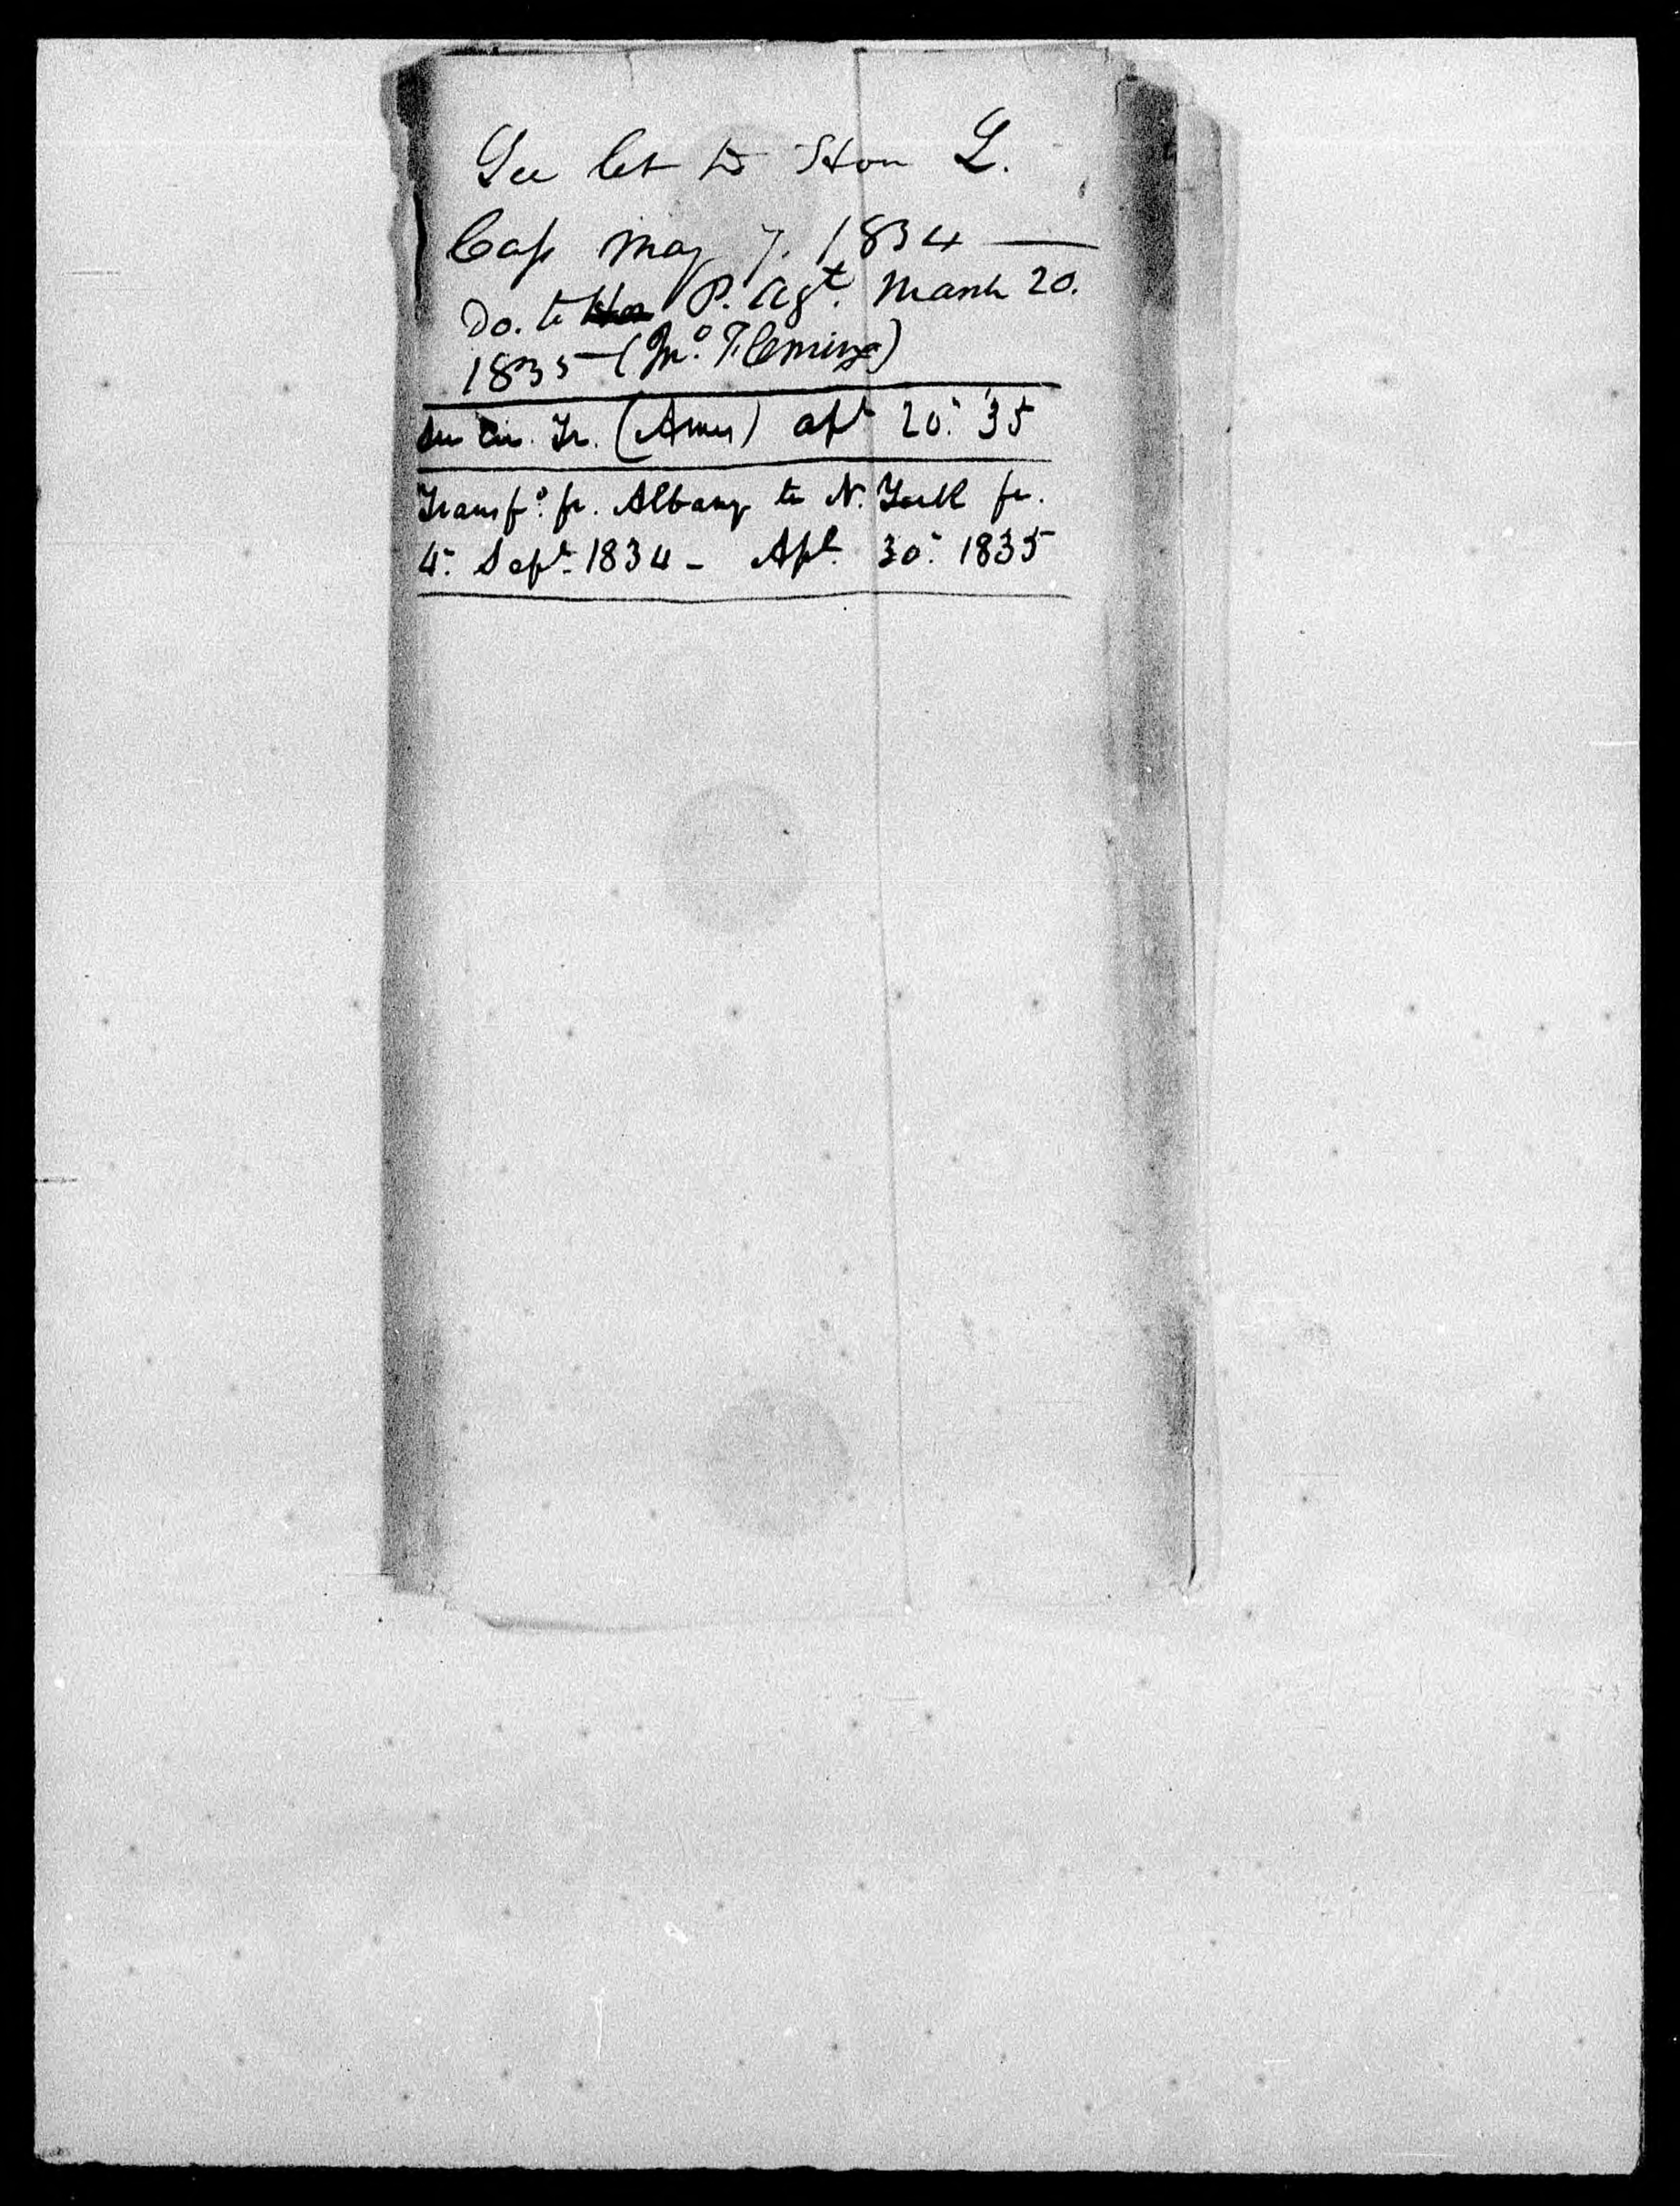Su let W Hon L. Cap May 7. 1834 -
Do. to [word crossed out] P. Agt. March 20. 1835 (Jno. Fleming)
Su  Cir. Tr. (Ames) aft 20. '35
Trans fo. fr. Albany to N. York fr.
4. Sept. 1834 _ Apl. 30. 1835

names: Ames, Jno Fleming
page: 3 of 54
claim: survivor's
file: S. 13,043, Samuel Foster, Conn.